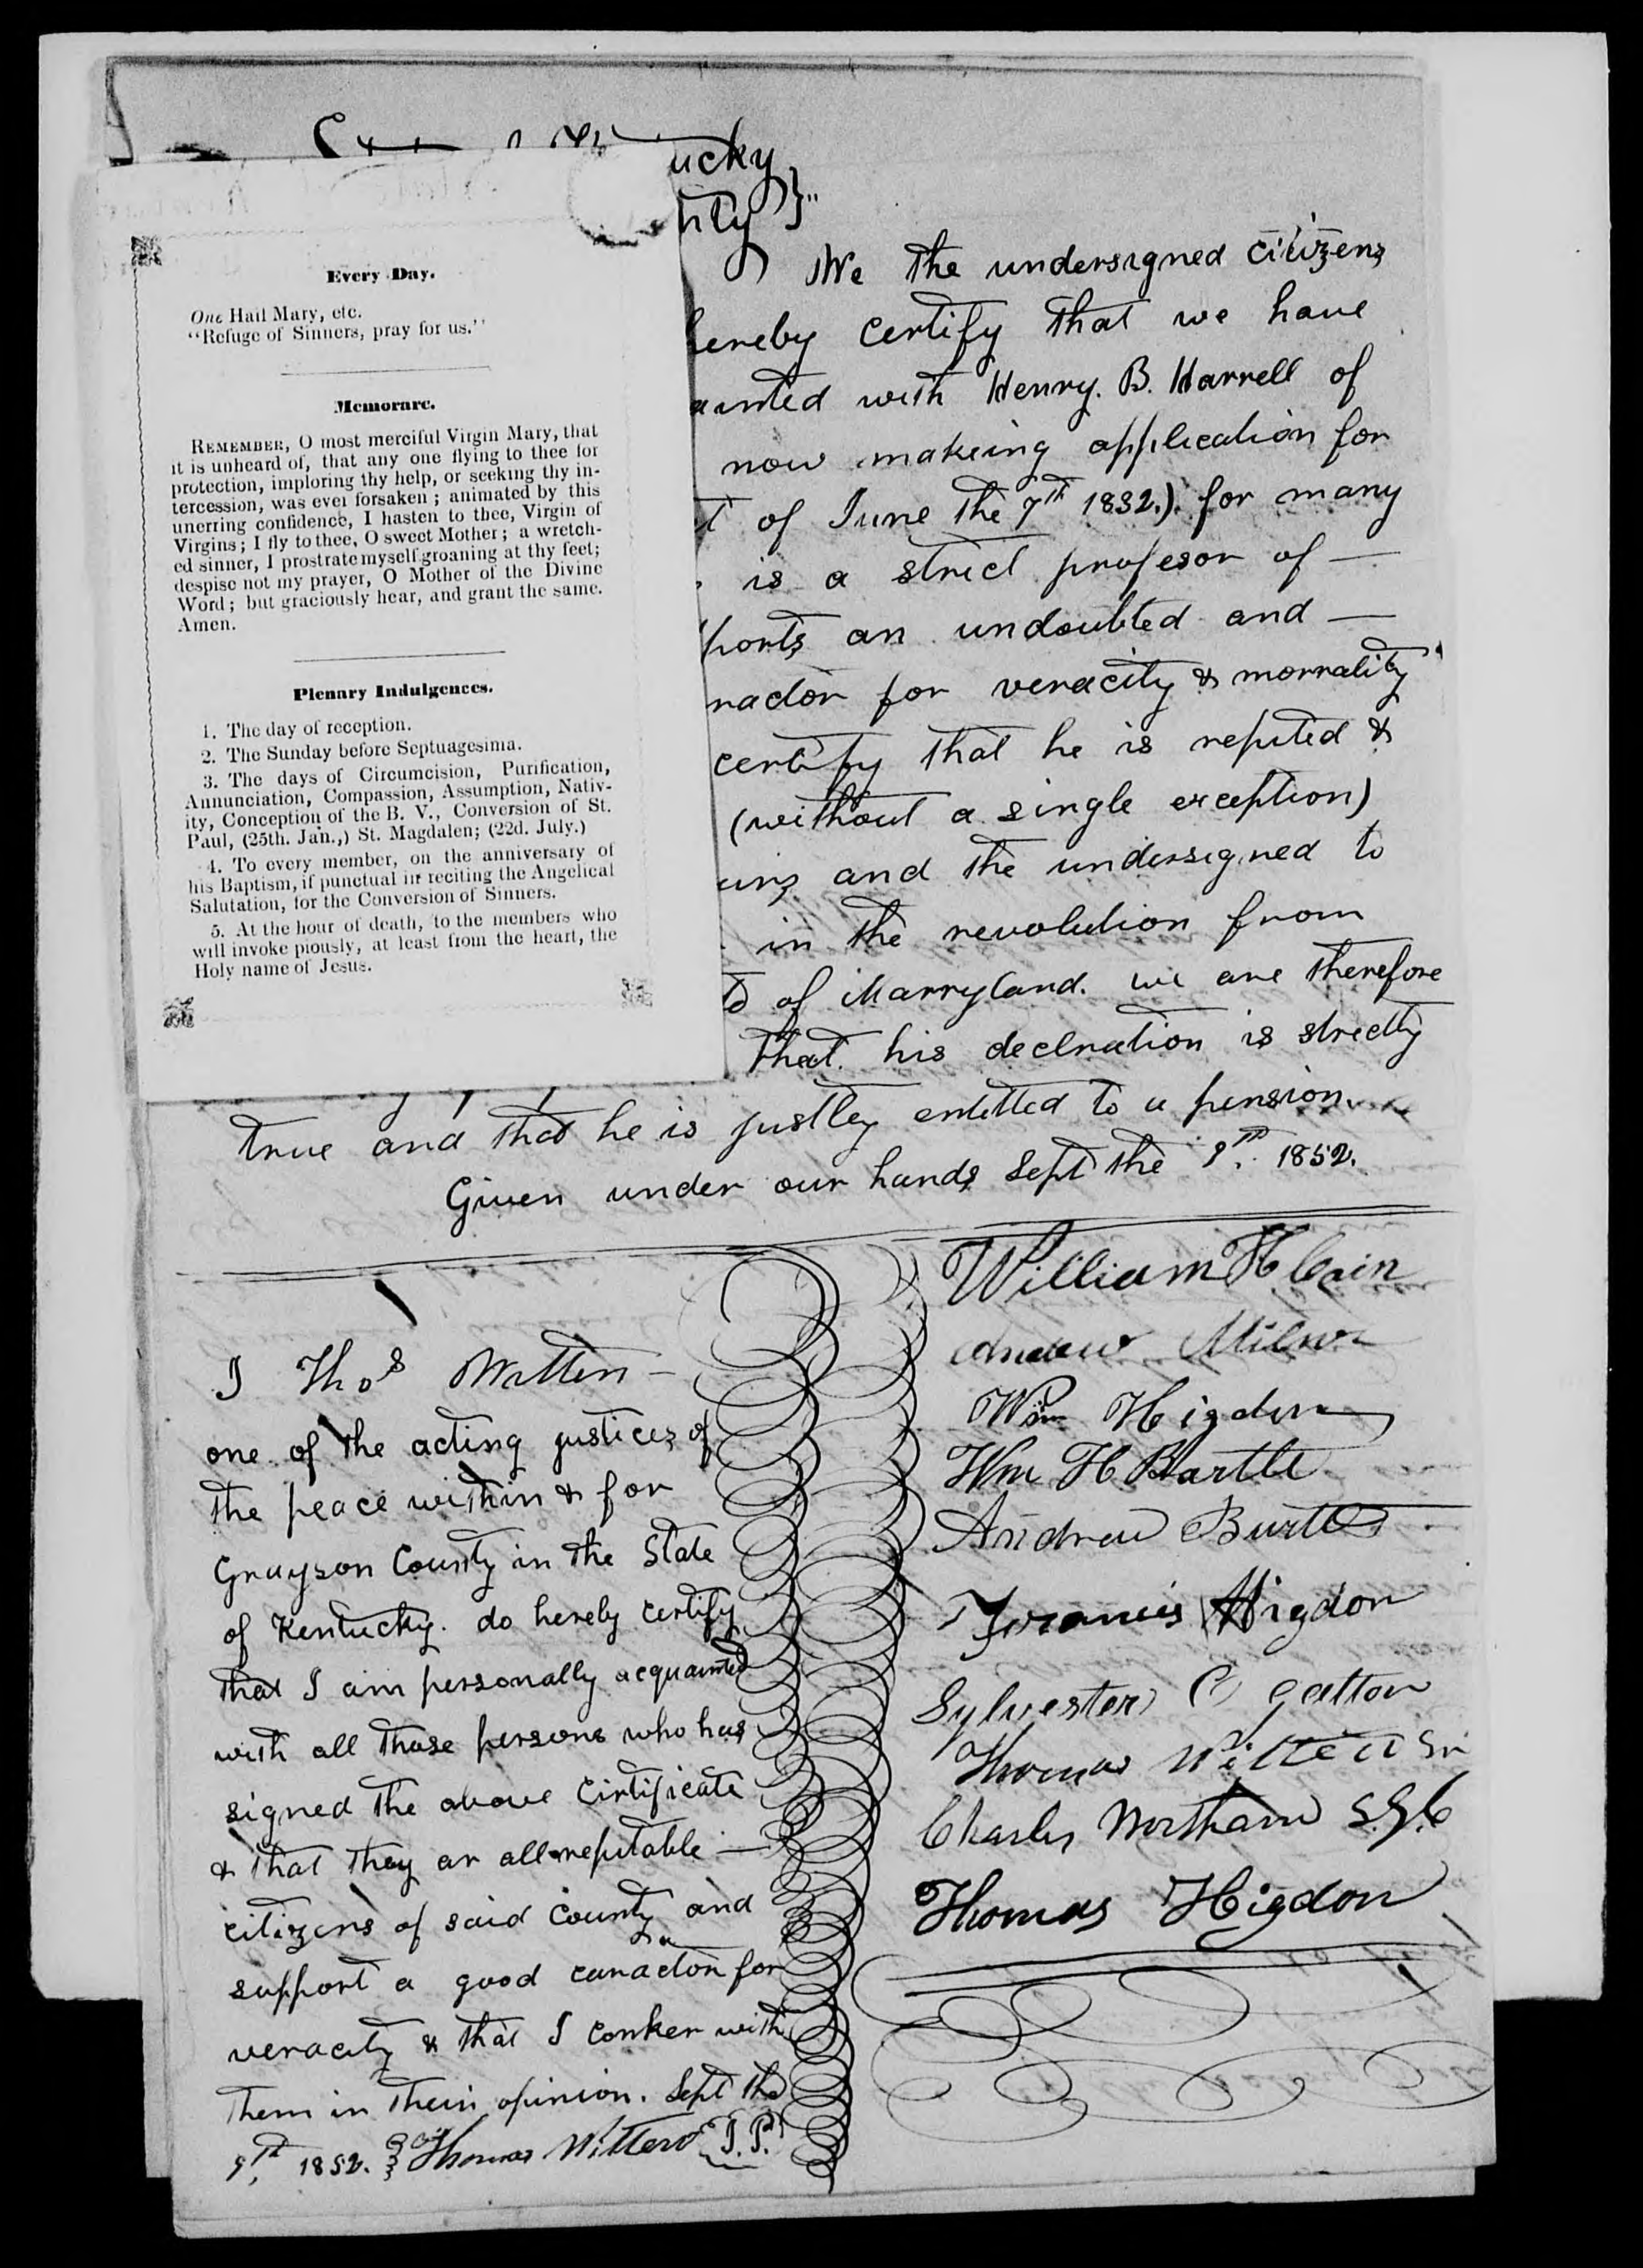[The following text obscures the
left margin of the certification]

[illegible] 
EVERY DAY. 
One Hail Mary, etc.  
"Refuge of Sinners, pray for us."
________
Memorare.

Remember, O most merciful Virgin Mary, that 
it it is unheard of, that any one flying to thee for 
protection, imploring thy help, or seeking thy in
tercessioin, was even forsaken; animated by this 
unerring confidence, I hasten to thee, Virgin of 
Virgins; I fly to thee, O sweet Mother; a wretch
ed sinner, I prostrate myself groaning at thy fee; 
despise not my prayer, O Mother of the Divine 
Word; but graciously hear, and grant the same.
Amen.
________
Plenary Indulgences.

1. The day of reception.
2. The Sunday before Septuagesima.
3. The days of Circumcision, Purification, 
Annunciation, Compassion, Assumption, Nativ
ity, Conception of the B. V., Conversion of St. 
Paul, (25th. Jan.,) St. Magdalen; (22d. July.)
4. To every member, on the anniversary of 
his Baptism, if punctual in reciting the Angelical 
Saluation, for the Conversion of Sinners.
5. At the hour of death, to the members who 
will invoke piously, at least from the heart, the 
Holy name of Jesus.

[Certification-left margin obscured by above text]
[obscured] ucky }
[obscured] nty } "
We the undersigned citizens 
hereby certify that we have 
[obscured] anted with Henry B. Horrell of 
[obscured] now making application for 
[obscured] ct of June the 7th 1832.) for many 
[obscured] is a strict professor of 
[obscured] horts an undoubted and 
[obscured] ractor for veracity & mortallity [morality]
[obscured] certify that he is reputed & 
[obscured] (without a single exception)
[obscured] cins and the undersigned to 
[obscured] in the revolution from 
[obscured] te of Maryland.  We are therefore 
[obscured] that his declaration is strictly 
true and that he is justly entitled to a pension
Given under our hands Sept the 9th. 1852.
________________________________________
I Thos Witten | William H Cain 
one of the acting justices of | Andrew Milner
the peace within & for | Wm Higdon
Grayson County in the State | Wm H Bartle
of Kentucky do hereby certify | Andrew Burto
that I am personally acquainted | Francis Higdon 
with all those persons who has | Sylvester O Gatton 
signed the above Cirtificate [Certificate] | Thomas Witten Sr
& that they are all reputable | Charles Wortham S.S.C
citizens of said county and | Thomas Higdon
support a good [illegible] for |
veracity & that I conker [concur] with
them in their opinion. Sept the 
9th, 1852 | Thomas Witten [encircled J.P.]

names: Charles Wortham, Thomas Witten, Henry B Harrell, Wm Higdon, William H Cain, Thomas Higdon, Andew Milner, Sylvester O Gatton, Wm H Bartle, Francis Higdon, Thos Witten, Andrew Burto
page: 8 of 15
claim: rejected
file: R. 5234, Henry B Horrell, Md.